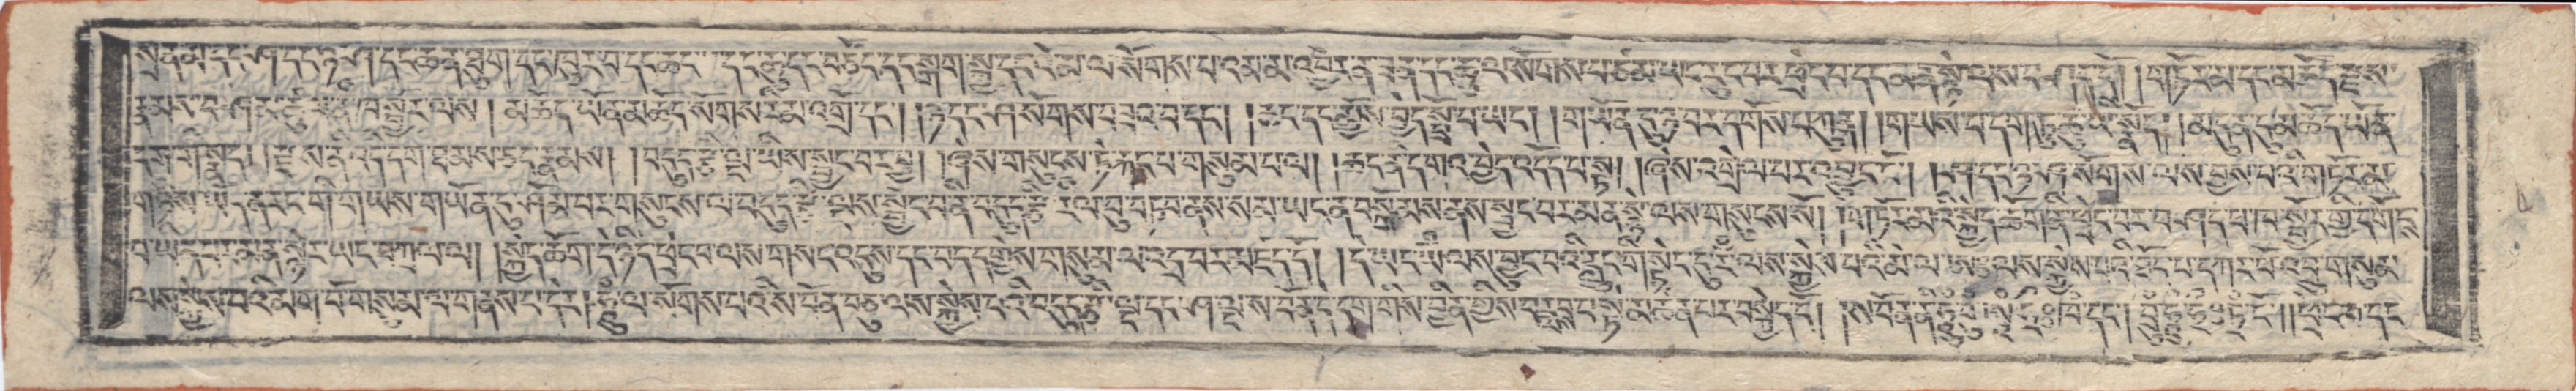སྲན་མ་དང་ཤ་དང་ཉ་ཤ་དང་ཆན་ཐུག་དང་ཁུར་བ་དང་ཆང་དང་ཆུ་དང་བཙོང་དང་སྒག་སྐྱ་དང་འོ་མ་ལ་སོགས་པ་འམ་མ་འབྱོར་ན་ཟན་དང་ཆུ་ལ་སོགས་པ་ཙམ་ཡང་རུང་བར་ཕྲེང་བ་དང་མན་སྙེ་ལས་བཤད་དོ། །གཏོར་མ་དང་མཆོད་རྫས་
རྣམས་བཤམ་ཚུལ་ནི་ཁ་སྦྱོར་ལས། མཆོད་ཡོན་མཆོད་སོགས་རིམ་འགྲོ་དང་། །ཉ་དང་ཤ་སོགས་བཟའ་བ་དང་། །ཆང་དང་མྱོས་བྱེད་སྤྲོ་བ་ཡང་། །གཡོན་དུ་ཉེ་བར་དགོས་པ་ཀུན། །གཡས་པ་དག་ཏུ་ཆུ་ཡི་སྣོད། །མདུན་དུ་མཆོད་ཡོན་
དག་གི་སྣད། །རྫས་ནི་འདི་དག་ཐམས་ཅད་རྣམས། །བདུད་རྩི་ལྔ་ཡིས་སྦྱང་བར་བྱ། །ཞེས་གསུངས་ཏེ་རྐང་པ་གསུམ་པ་ལ། །ཆང་ནི་དགའ་བྱེད་འདོད་པ་སྟེ། །ཞེས་འགྲེལ་པར་འབྱུང་ངོ། །ཤ་དང་ཉ་ཤ་སོགས་ལས་བྱས་པའི་གཏོར་མ་
གཉིས་ཡོད་ན་རང་གི་གཡས་གཡོན་དུ་ཤོམ་པར་གསུངས་ལ་བདུད་རྩི་ལྔས་སྦྱོང་བ་ནི་བདུད་རྩི་རིལ་བུ་བཏབ་ནས་སམ་ཡང་ན་བསྒོམས་ནས་སྦྱང་བར་མན་སྙེ་ལས་གསུངས་སོ། །གཏོར་མའི་སྐྱེད་ཆོག་ནི་ཕྲེང་བར་བཤད་པ་ཁ་སྦྱོར་གྱི་དགོངས་
པ་ཡིན་པར་མན་སྙེར་ཡང་བཀྲལ་ལ། །སྐྱེད་ཆོག་དེ་ཉིད་ཕྲེང་བ་ལས་གསང་འདུས་དང་བད་དགྱེས་གསུམ་ལ་འདྲ་བར་མཛད་དོ། །དེ་ཡང་ཡཾ་ལས་བྱུང་བའི་རླུང་གི་སྟེང་དུ་རཾ་ལས་སྐྱེས་པའི་མེ་ལ་ཨཿ ལས་སྐྱེས་པའི་ཐོད་པ་དཀར་པོ་འབྲུ་གསུམ་
ལས་སྐྱེས་པའི་མག་པ་གསུམ་ལ་གནས་པ་དེར། ཧཱུཾ་ལ་སོགས་པའི་ས་བོན་བཅུ་ལས་སྐྱེས་པའི་བདུད་རྩི་ལྔ་དང་ཤ་ལྔ་ས་བོན་དེ་དག་གིས་བྱིན་གྱིས་བརླབས་པ་སྟེ་མཚན་པར་བསྐྱེད་དོ། །ས་བོན་ནི་ཧཱུཾ་བུཾ་ཨཱཾ་ཧྲྀཿ ཁཾ་དང་། བྲུཾ་ཧཱུཾ་ཧྲྀཿ ཏྲཾ་ངོ། །ཕྲེང་བ་དང་